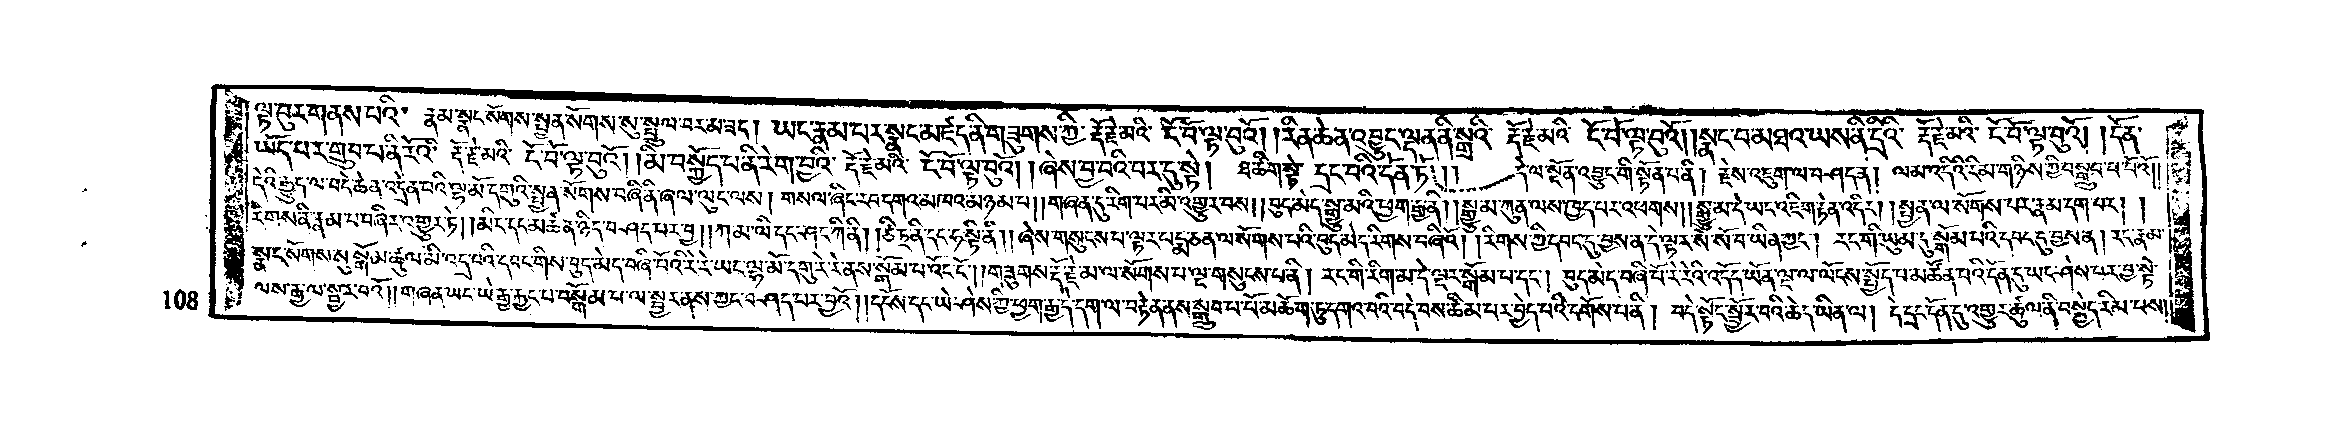ལྟ་བུར་གནས་པའི་རྣམ་སྣང་སོགས་སྤྱན་སོགས་སུ་སྤྲུལ་པར་མ་ཟད།  ཡང་རྣམ་པར་སྣང་མཛད་ནི་གཟུགས་ཀྱི་རྡོ་རྗེ་མའི་ངོ་བོ་ལྟ་བུའོ། །རིན་ཆེན་འབྱུང་ལྡན་ནི་སྒྲའི་རྡོ་རྗེ་མའི་ངོ་བོ་ལྟ་བུའོ། །སྣང་བ་མཐའ་ཡས་ནི་དྲིའི་རྡོ་རྗེ་མའི་ངོ་བོ་ལྟ་བུའོ། །དོན་
ཡོད་པར་གྲུབ་པ་ནི་རོའི་རྡོ་རྗེ་མའི་ངོ་བོ་ལྟ་བུའོ། །མི་བསྐྱོད་པ་ནི་རེག་བྱའི་རྡོ་རྗེ་མའི་ངོ་བོ་ལྟ་བུའོ། །ཞེས་བྱ་བའི་བར་དུ་སྟེ། ཐ་ཚིག་སྟེ་དྲང་བའི་དོན་ཏོ། དེ་ལ་སྔོན་འབྱུང་གི་སྟོན་པ་ནི། རྗེས་འཇུག་ལ་བཤད་ན། ལམ་འདིའི་རིམ་གཉིས་ཀྱི་བསྒྲུབ་པ་པོའོ། །
དེའི་རྒྱུད་ལ་བདེ་ཆེན་འདྲེན་པའི་ལྷ་མོ་དགུའི་སྤྱན་སོགས་བཞི་ནི་ཞལ་ལུང་ལས། གསལ་ཞིང་རབ་དགའ་མཁའ་མཉམ་པ། །གཞན་དུ་རིག་པར་མི་འགྱུར་བས། །བུད་མེད་སྒྱུ་མའི་ཕྱག་རྒྱ་ནི། །སྒྱུ་མ་ཀུན་ལས་ཁྱད་པར་འཕགས། །སྒྱུ་མ་དེ་ཡང་འཇིག་རྟེན་འདིར། །སྤྱན་ལ་སོགས་པར་རྣམ་དག་པར།།
རིགས་ནི་རྣམ་པ་བཞིར་འགྱུར་ཏེ། །མིང་དང་མཚན་ཉིད་བཤད་པར་བྱ། །ཀ་མ་ལི་དང་ཤང་ཀི་ནི། །ཙེ་ཏྲ་ནི་དང་ཧ་སྟི་ནི། །ཞེས་གསུངས་པ་ལྟར་པདམ་ཅན་ལ་སོགས་པའི་བུད་མེད་རིགས་བཞིའོ། །རིགས་ཀྱི་དབང་དུ་བྱས་ན་དེ་ལྟར་སོ་སོ་བ་ཡིན་ཀྱང་། རང་གི་ཡུམ་དུ་སྒོམ་པའི་དབང་དུ་བྱས་ན། རང་རྣམ་
སྣང་སོགས་སུ་སྒོམ་ཚུལ་མི་འདྲ་བའི་དབང་གིས་བུད་མེད་བཞི་པོའི་རེ་རེ་ཡང་ལྷ་མོ་དགུ་རེ་རེ་ནས་སྒོམ་པ་འོང་ངོ། །གཟུགས་རྡོ་རྗེ་མ་ལ་སོགས་པ་ལྔ་གསུངས་པ་ནི། རང་གི་རིག་མ་དེ་ལྔར་སྒོམ་པ་དང་། བྱད་མེད་བཞི་པོ་རེ་རེའི་འདོད་ཡོན་ལྔ་ལ་ལོངས་སྤྱོད་པ་མཚོན་པའི་དོན་དུ་ཡང་ཤེས་བར་བྱ་སྟེ་
ལས་རྒྱ་ལ་སྦྱར་བའོ། །གཞན་ཡང་ཡེ་རྒྱ་རྐྱང་པ་བསྒོམ་པ་ལ་སྦྱར་ནས་ཀྱང་བཤད་པར་བྱའོ། །དངོས་དང་ཡེ་ཤེས་ཀྱི་ཕྱག་རྒྱ་དེ་དག་ལ་བརྟེན་ནས་སྒྲུབ་པ་པོ་མཆོག་ཏུ་དགའ་བའི་བདེ་བས་ཚིམ་པར་བྱེད་པའི་དགོས་པ་ནི། བདེ་སྟོང་སྦྱོར་བའི་ཆེད་ཡིན་ལ། དེ་དྲང་དོན་དུ་འགྱུར་ཚུལ་ནི་བསྐྱེད་རིམ་པས།